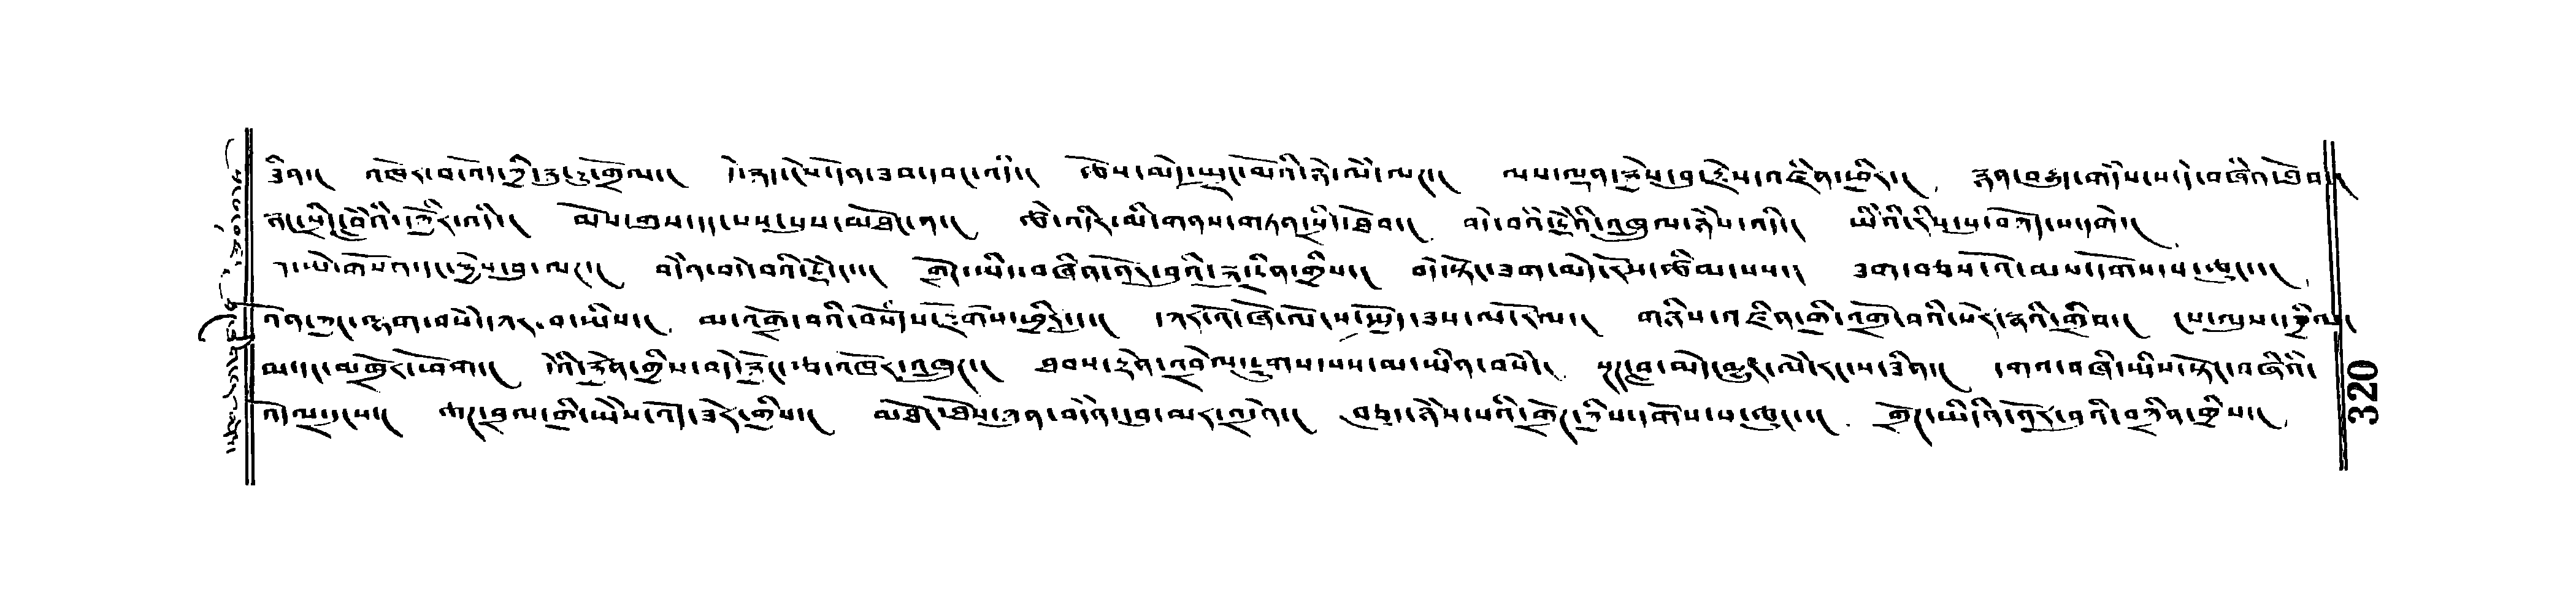ཟིན། །འཁོར་བ་འོད་ཀྱི་སྐུ་རུ་གྲོལ། །དེ་སྐད་ངེས་དོན་ཟབ་དབང་འདི། །ཆོས་མེད་སྤྲང་མོའི་ཉེ་ལམ་ལགས། །ལས་ལྡན་སྐྱེས་བུ་རྗེས་འཛིན་ཕྱིར། །སྙན་བརྒྱུད་གདམས་པ་དེ་བཞིན་ཐོབ། 
སྣང་སྲིད་བླ་མའི་དཀྱིལ་འཁོར་འདི། །མོས་གུས་དད་པས་སུས་མཐོང་ན། །ཚེ་འདིར་མི་གནས་གཏན་སྲིད་ཐོབ། །བདེ་བའི་རྡོ་རྗེའི་འཁྲུལ་ཉམས་འདི། །ཡི་གེའི་རིས་སུ་བཀོད་པ་དགེ།།
 ཀ་ཡེ་གསོན་དང་སྐྱེས་བུ་ལགས། །བདེ་ཆེན་བདེ་བའི་རྡོ་རྗེ་ང་། །གྲོགས་ཡིད་བཞིན་ནོར་བུའི་སྐུ་དྲིན་གྱིས། །བདེ་སྟོང་ཟག་མེད་རོས་ཚིམ་པས། །ཟག་བཅས་འོ་མས་དགོས་པ་ཆུང་། །
འོན་ཀྱང་ལྷག་བསམ་དཀར་བ་ཡིས། །མ་འགྲོ་བའི་བསོད་ནམས་རྫོགས་ཕྱིར་དུ། །དཀར་འོ་ཞོ་ལོངས་སྤྱོད་ཟས་ལ་རོལ། །གཉིས་འཛིན་གྱི་འགྲོ་བའི་སེར་སྣའི་གྲིབ། །ངས་ལུས་དཀྱིལ་
མ་དང་མཁའ་འགྲོར་ཕོག།དེའི་རྐྱེན་གྱིས་བདེ་སྐྱོང་རྩ་འཁོར་འཁྲུགས། །ཐབས་རྟེན་འབྲེལ་རྡུགས་པས་མ་ཡིན་བསམ། །སྔགས་བླ་མེད་མྱུར་ལམ་རང་ས་ཟིན། །དགའ་བཞི་ཡིས་སྟོང་བཞིའི་
འོད་གསལ་དྲངས། །ཆགས་བྲལ་གྱི་ཡེ་ཤེས་འོད་ཟེར་གྱིས། །མཐོང་ཐོས་ཀུན་བདེ་ཆེན་དབུ་མར་འདྲེན། །བཅུད་ཉམས་པའི་གྲོགས་ཀྱིས་དགོས་པ་ཆུང་། །གྲོགས་ཡིད་བཞིན་ནོར་བུའི་བཀའ་དྲིན་གྱིས།